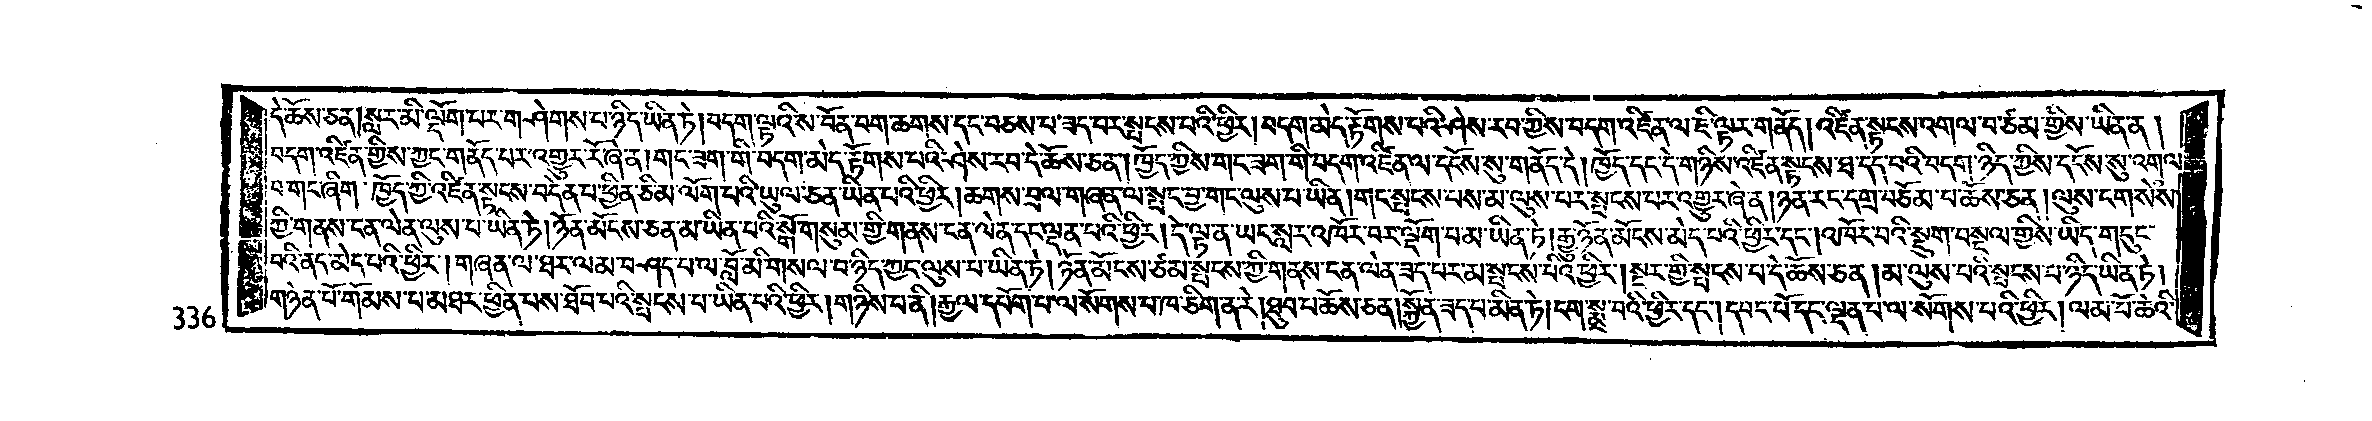དེ་ཆོས་ཅན། སླར་མི་ལྡོག་པར་གཤེགས་པ་ཉིད་ཡིན་ཏེ། བདག་ལྟའི་ས་བོན་བག་ཆགས་དང་བཅས་པ་ཟད་པར་སྤངས་པའི་ཕྱིར། བདག་མེད་རྟོགས་པའི་ཤེས་རབ་ཀྱིས་བདག་འཛིན་ལ་ཇི་ལྟར་གནོད། འཛིན་སྟངས་འགལ་བ་ཙམ་གྱིས་ཡིན་ན།
བདག་འཛིན་གྱིས་ཀྱང་གནོད་པར་འགྱུར་རོ་ཞེ་ན། གང་ཟག་གི་བདག་མེད་རྟོགས་པའི་ཤེས་རབ་དེ་ཆོས་ཅན། ཁྱོད་ཀྱིས་གང་ཟག་གི་བདག་འཛིན་ལ་དངོས་སུ་གནོད་དེ། ཁྱོད་དང་དེ་གཉིས་འཛིན་སྟངས་ཐ་དད་པའི་བདག་ཉིད་ཀྱིས་དངོས་སུ་འགལ་
བ་གང་ཞིག་ཁྱོད་ཀྱི་འཛིན་སྟངས་བདེན་པ་ཕྱིན་ཅི་མ་ལོག་པའི་ཡུལ་ཅན་ཡིན་པའི་ཕྱིར། ཆགས་བྲལ་གཞན་ལ་སྤང་བྱ་གང་ལུས་པ་ཡིན། གང་སྤངས་པས་མ་ལུས་པར་སྤངས་པར་འགྱུར་ཞེ་ན། ཉན་རང་དགྲ་བཅོམ་པ་ཆོས་ཅན། ལུས་ངག་སེམས་
ཀྱི་གནས་ངན་ལེན་ལུས་པ་ཡིན་ཏེ། ཉོན་མོངས་ཅན་མ་ཡིན་པའི་སྒོ་གསུམ་གྱི་གནས་ངན་ལེན་དང་ལྡན་པའི་ཕྱིར། དེ་ལྟ་ན་ཡང་སླར་འཁོར་བར་ལྡོག་པ་མ་ཡིན་ཏེ། རྒྱུ་ཉོན་མོངས་མེད་པའི་ཕྱིར་དང་། འཁོར་བའི་སྡུག་བསྔལ་གྱིས་ཡིད་གདུང་
བའི་ནད་མེད་པའི་ཕྱིར། གཞན་ལ་ཐར་ལམ་བཤད་པ་ལ་བློ་མི་གསལ་བ་ཉིད་ཀྱང་ལུས་པ་ཡིན་ཏེ། ཉོན་མོངས་ཙམ་སྤངས་ཀྱི་གནས་ངན་ལེན་ཟད་པར་མ་སྤངས་པའི་ཕྱིར། སྔར་གྱི་སྤངས་པ་དེ་ཆོས་ཅན། མ་ལུས་པའི་སྤངས་པ་ཉིད་ཡིན་ཏེ།
གཉེན་པོ་གོམས་པ་མཐར་ཕྱིན་པས་ཐོབ་པའི་སྤངས་པ་ཡིན་པའི་ཕྱིར། གཉིས་པ་ནི། རྒྱལ་དཔོག་པ་ལ་སོགས་པ་ཁ་ཅིག་ན་རེ། ཐུབ་པ་ཆོས་ཅན། སྐྱོན་ཟད་པ་མིན་ཏེ། ངག་སྨྲ་བའི་ཕྱིར་དང་། དབང་པོ་དང་ལྡན་པ་ལ་སོགས་པའི་ཕྱིར། ལམ་པོ་ཆེའི་